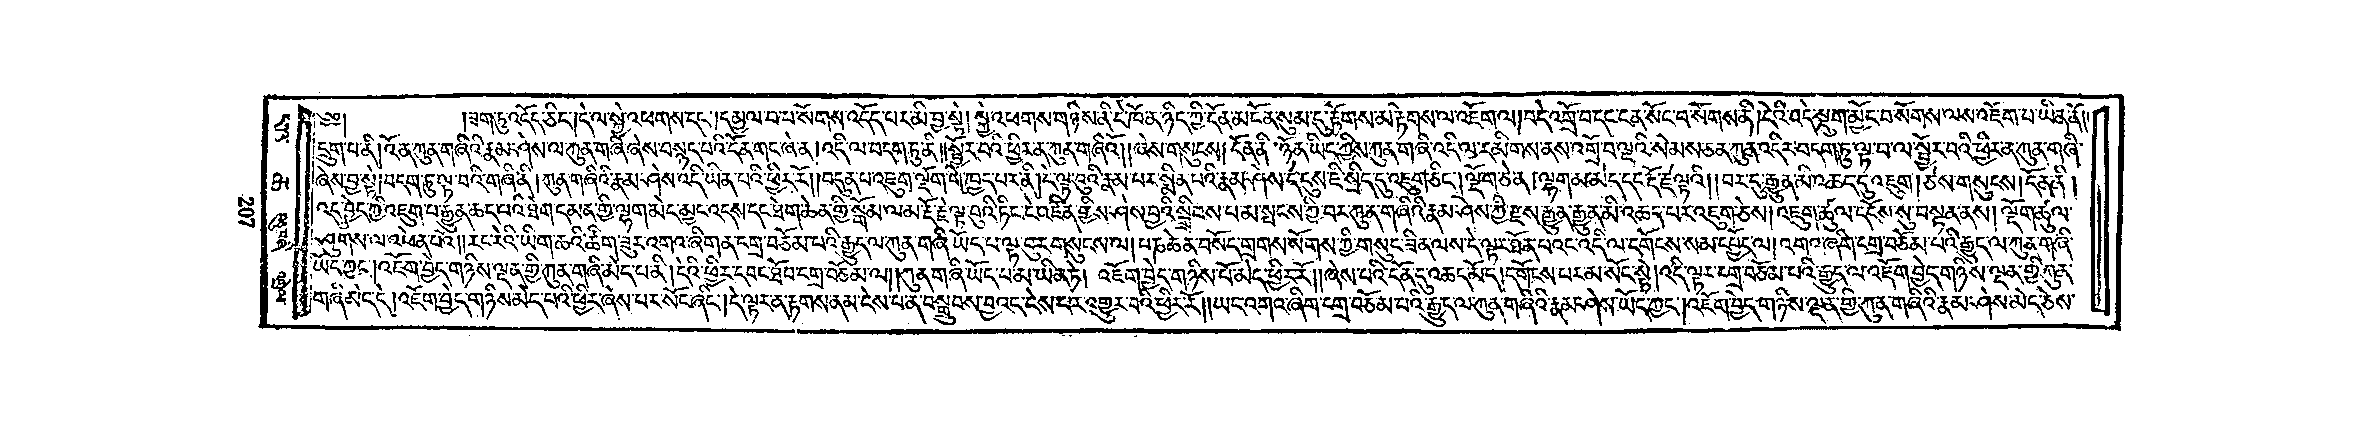༄༅། །ཟག་ཏུ་འདོད་ཅིང་། དེ་ལ་སྐྱེ་འཕགས་དང་། དམྱལ་བ་པ་སོགས་འདོད་པར་མི་བྱ་སྟེ། སྐྱེ་འཕགས་གཉིས་ནི་དེ་ཁོ་ན་ཉིད་ཀྱི་དོན་མངོན་སུམ་དུ་རྟོགས་མ་རྟོགས་ལ་འཇོག་ལ། བདེ་འགྲོ་བ་དང་ངན་སོང་བ་སོགས་ནི། དེའི་བདེ་སྡུག་མྱོང་བ་སོགས་ལས་འཇོག་པ་ཡིན་ནོ། །
དྲུག་པ་ནི། འོ་ན་ཀུན་གཞིའི་རྣམ་ཤེས་ལ་ཀུན་གཞི་ཞེས་བསྙད་པའི་དོན་གང་ཞེ་ན། འདི་ལ་བདག་ཏུ་ནི། །སྦྱོར་བའི་ཕྱིར་ན་ཀུན་གཞིའོ། །ཞེས་གསུངས། དོན་ནི་ཉོན་ཡིད་ཀྱིས་ཀུན་གཞི་འདི་ལ་དམིགས་ནས་འགྲོ་བ་ལྔའི་སེམས་ཅན་ཀུན་འདིར་བདག་ཏུ་ལྟ་བ་ལ་སྦྱོར་བའི་ཕྱིར་ན་ཀུན་གཞི་
ཞེས་བྱ་སྟེ། བདག་ཏུ་ལྟ་བའི་གཞི་ནི། ཀུན་གཞིའི་རྣམ་ཤེས་འདི་ཡིན་པའི་ཕྱིར་རོ། །བདུན་པ་འཇུག་ལྡོག་གི་ཁྱད་པར་ནི། དེ་ལྟ་བུའི་རྣམ་པར་སྨིན་པའི་རྣམ་ཤེས་དེ་དུས་ཇི་སྲིད་དུ་འཇུག་ཅིང་། ལྡོག་ཅེ་ན། ལྷག་མ་མེད་དང་རྡོ་རྗེ་ལྟའི། །བར་དུ་རྒྱུན་མི་འཆད་དུ་འཇུག །ཅེས་གསུངས། དོན་ནི།
འདུ་བྱེད་ཀྱི་འཇུག་པ་རྒྱུན་ཆད་པའི་ཐེག་དམན་གྱི་ལྷག་མེད་མྱང་འདས་དང་ཐེག་ཆེན་གྱི་སྒོམ་ལམ་རྡོ་རྗེ་ལྟ་བུའི་ཏིང་ངེ་འཛིན་གྱིས་ཤེས་བྱའི་སྒྲིབས་པ་མ་སྤངས་ཀྱི་བར་ཀུན་གཞིའི་རྣམ་ཤེས་ཀྱི་རྫས་རྒྱུན་རྒྱུན་མི་འཆད་པར་འཇུག་ཅེས། འཇུག་ཚུལ་དངོས་སུ་བསྟན་ནས། ལྡོག་ཚུལ་
ཤུགས་ལ་འཕེན་པའོ། །རང་རེའི་ཡིག་ཆའི་ཚིག་ཟུར་འགའ་ཞིག་ན་དགྲ་བཅོམ་པའི་རྒྱུད་ལ་ཀུན་གཞི་ཡོད་པ་ལྟ་བུར་གསུངས་ལ། པཎ་ཆེན་བསོད་གྲགས་སོགས་ཀྱི་གསུང་ཟིན་ལས་དེ་ལྟར་ཐོན་པའང་འདི་ལ་དགོངས་སམ་དཔྱོད་ལ། འགའ་ཞིག་དགྲ་བཅོམ་པའི་རྒྱུད་ལ་ཀུན་གཞི་
ཡོད་ཀྱང་། འཇོག་བྱེད་གཉིས་ལྡན་གྱི་ཀུན་གཞི་མེད་པ་ནི། དེའི་ཕྱིར་དབང་ཐོབ་དགྲ་བཅོམ་ལ། །ཀུན་གཞི་ཡོད་པ་མ་ཡིན་ཏེ། འཇོག་བྱེད་གཉིས་པོ་མེད་ཕྱིར་རོ། །ཞེས་པའི་དོན་དུ་འཆད་མོད། དགོངས་པར་མ་སོང་སྟེ། འདི་ལྟར་དགྲ་བཅོམ་པའི་རྒྱུད་ལ་འཇོག་བྱེད་གཉིས་ལྡན་གྱི་ཀུན་
གཞི་མེད་དེ། འཇོག་བྱེད་གཉིས་མེད་པའི་ཕྱིར་ཞེས་པར་སོང་ཞིང་། དེ་ལྟར་ན་རྟགས་ནམ་ངེས་པ་ན་བསྒྲུབས་བྱའང་ངེས་པར་འགྱུར་བའི་ཕྱིར་རོ། །ཡང་འགའ་ཞིག་དགྲ་བཅོམ་པའི་རྒྱུད་ལ་ཀུན་གཞིའི་རྣམ་ཤེས་ཡོད་ཀྱང་། འཇོག་བྱེད་གཉིས་ལྡན་གྱི་ཀུན་གཞིའི་རྣམ་ཤེས་མེད་ཅེས་